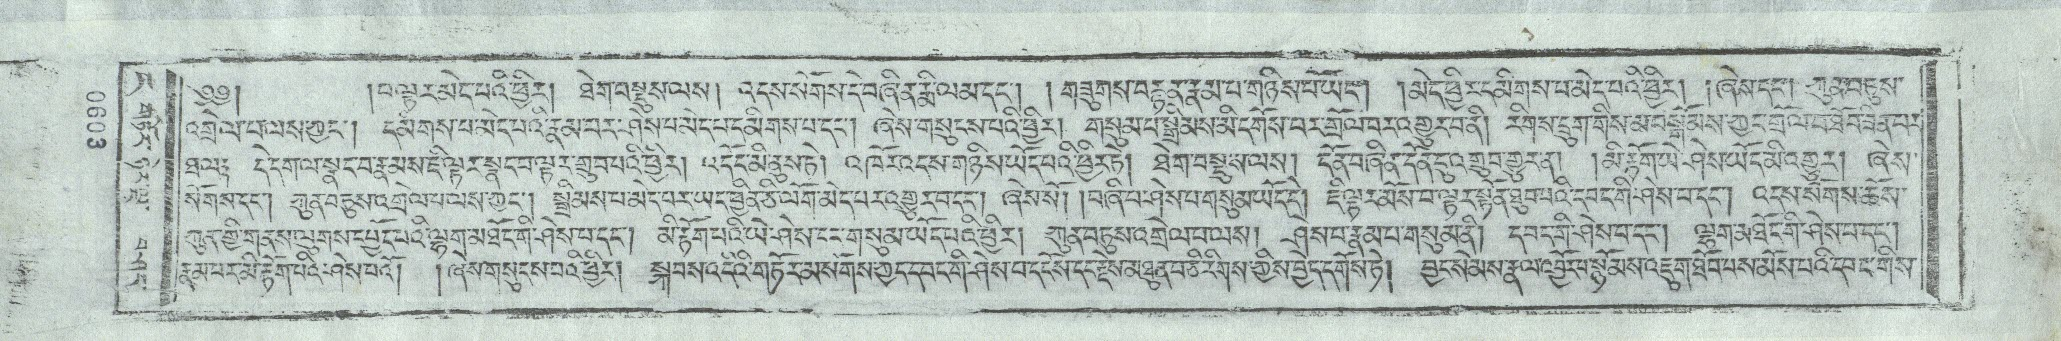༄༅། །བལྟར་མེད་པའི་ཕྱིར། ཐེག་བསྡུས་ལས། འདས་སོགས་དེ་བཞིན་རྨི་ལམ་དང་། །གཟུགས་བརྙན་རྣམ་པ་གཉིས་པོ་ཡང་། །མེད་ཕྱིར་དམིགས་པ་མེད་བའི་ཕྱིར། །ཞེས་དང་། ཀུན་བཏུས་
འགྲེལ་པ་ལས་ཀྱང་། དམིགས་པ་མེད་པའི་རྣམ་པར་ཤེས་པ་མེད་པ་དམིགས་པ་དང་། ཞེས་གསུངས་པའི་ཕྱིར། གསུམ་པ་སྒྲིམས་མི་དགོས་པར་གྲོལ་བར་འགྱུར་བ་ནི། རིགས་དྲུག་གིས་མ་བསྒོམས་ཀྱང་གྲོལ་བ་ཐོབ་ཟིན་པར་
ཐལ༑ དེ་དག་ལ་སྣང་བ་རྣམས་ཇི་ལྟར་སྣང་བ་ལྟར་གྲུབ་པའི་ཕྱིར། འདོད་མི་ནུས་ཏེ། འཁོར་འདས་གཉིས་ཡོད་པའི་ཕྱིར་ཏེ། ཐེག་བསྡུས་ལས། དོན་བཞིན་དོན་དུ་འགྲུབ་གྱུར་ན། །མི་རྟོག་ཡེ་ཤེས་ཡོད་མི་འགྱུར། ཞེས་
སོགས་དང་། ཀུན་བཏུས་འགྲེལ་པ་ལས་ཀྱང་། སྒྲིམས་པ་མེད་པར་ཡང་ཕྱིན་ཅི་ལོག་མེད་པར་འགྱུར་བ་དང་། ཞེས་སོ། །བཞི་པ་ཤེས་པ་གསུམ་ཡོད་དེ། ཇི་ལྟར་མོས་བ་ལྟར་སྟོན་ཐུབ་པའི་དབང་གི་ཤེས་པ་དང་། འདས་སོགས་ཆོས་
ཀུན་གྱི་གནས་ལུགས་དཔྱོད་པའི་ལྷག་མཐོང་གི་ཤེས་པ་དང་། མི་རྟོག་པའི་ཡེ་ཤེས་ངང་གསུམ་ཡོད་པའི་ཕྱིར། ཀུན་བཏུས་འགྲེལ་བ་ལས། ཤེས་པ་རྣམ་པ་གསུམ་ནི། དབང་གི་ཤེས་པ་དང་། ལྷག་མཐོང་གི་ཤེས་པ་དང་།
རྣམ་པར་མི་རྟོག་པའི་ཤེས་པའོ། །ཞེས་གསུངས་པའི་ཕྱིར། སྐབས་འདིའི་གཏོར་མ་སོགས་ཀྱང་དབང་གི་ཤེས་པ་དངོས་དང་རྗེས་མཐུན་པ་ཅི་རིགས་ཀྱིས་བྱེད་དགོས་ཏེ། བྱང་སེམས་རྣལ་འབྱོར་པ་སྙོམས་འཇུག་ཐོབ་པས་མོས་པའི་དབང་གིས་